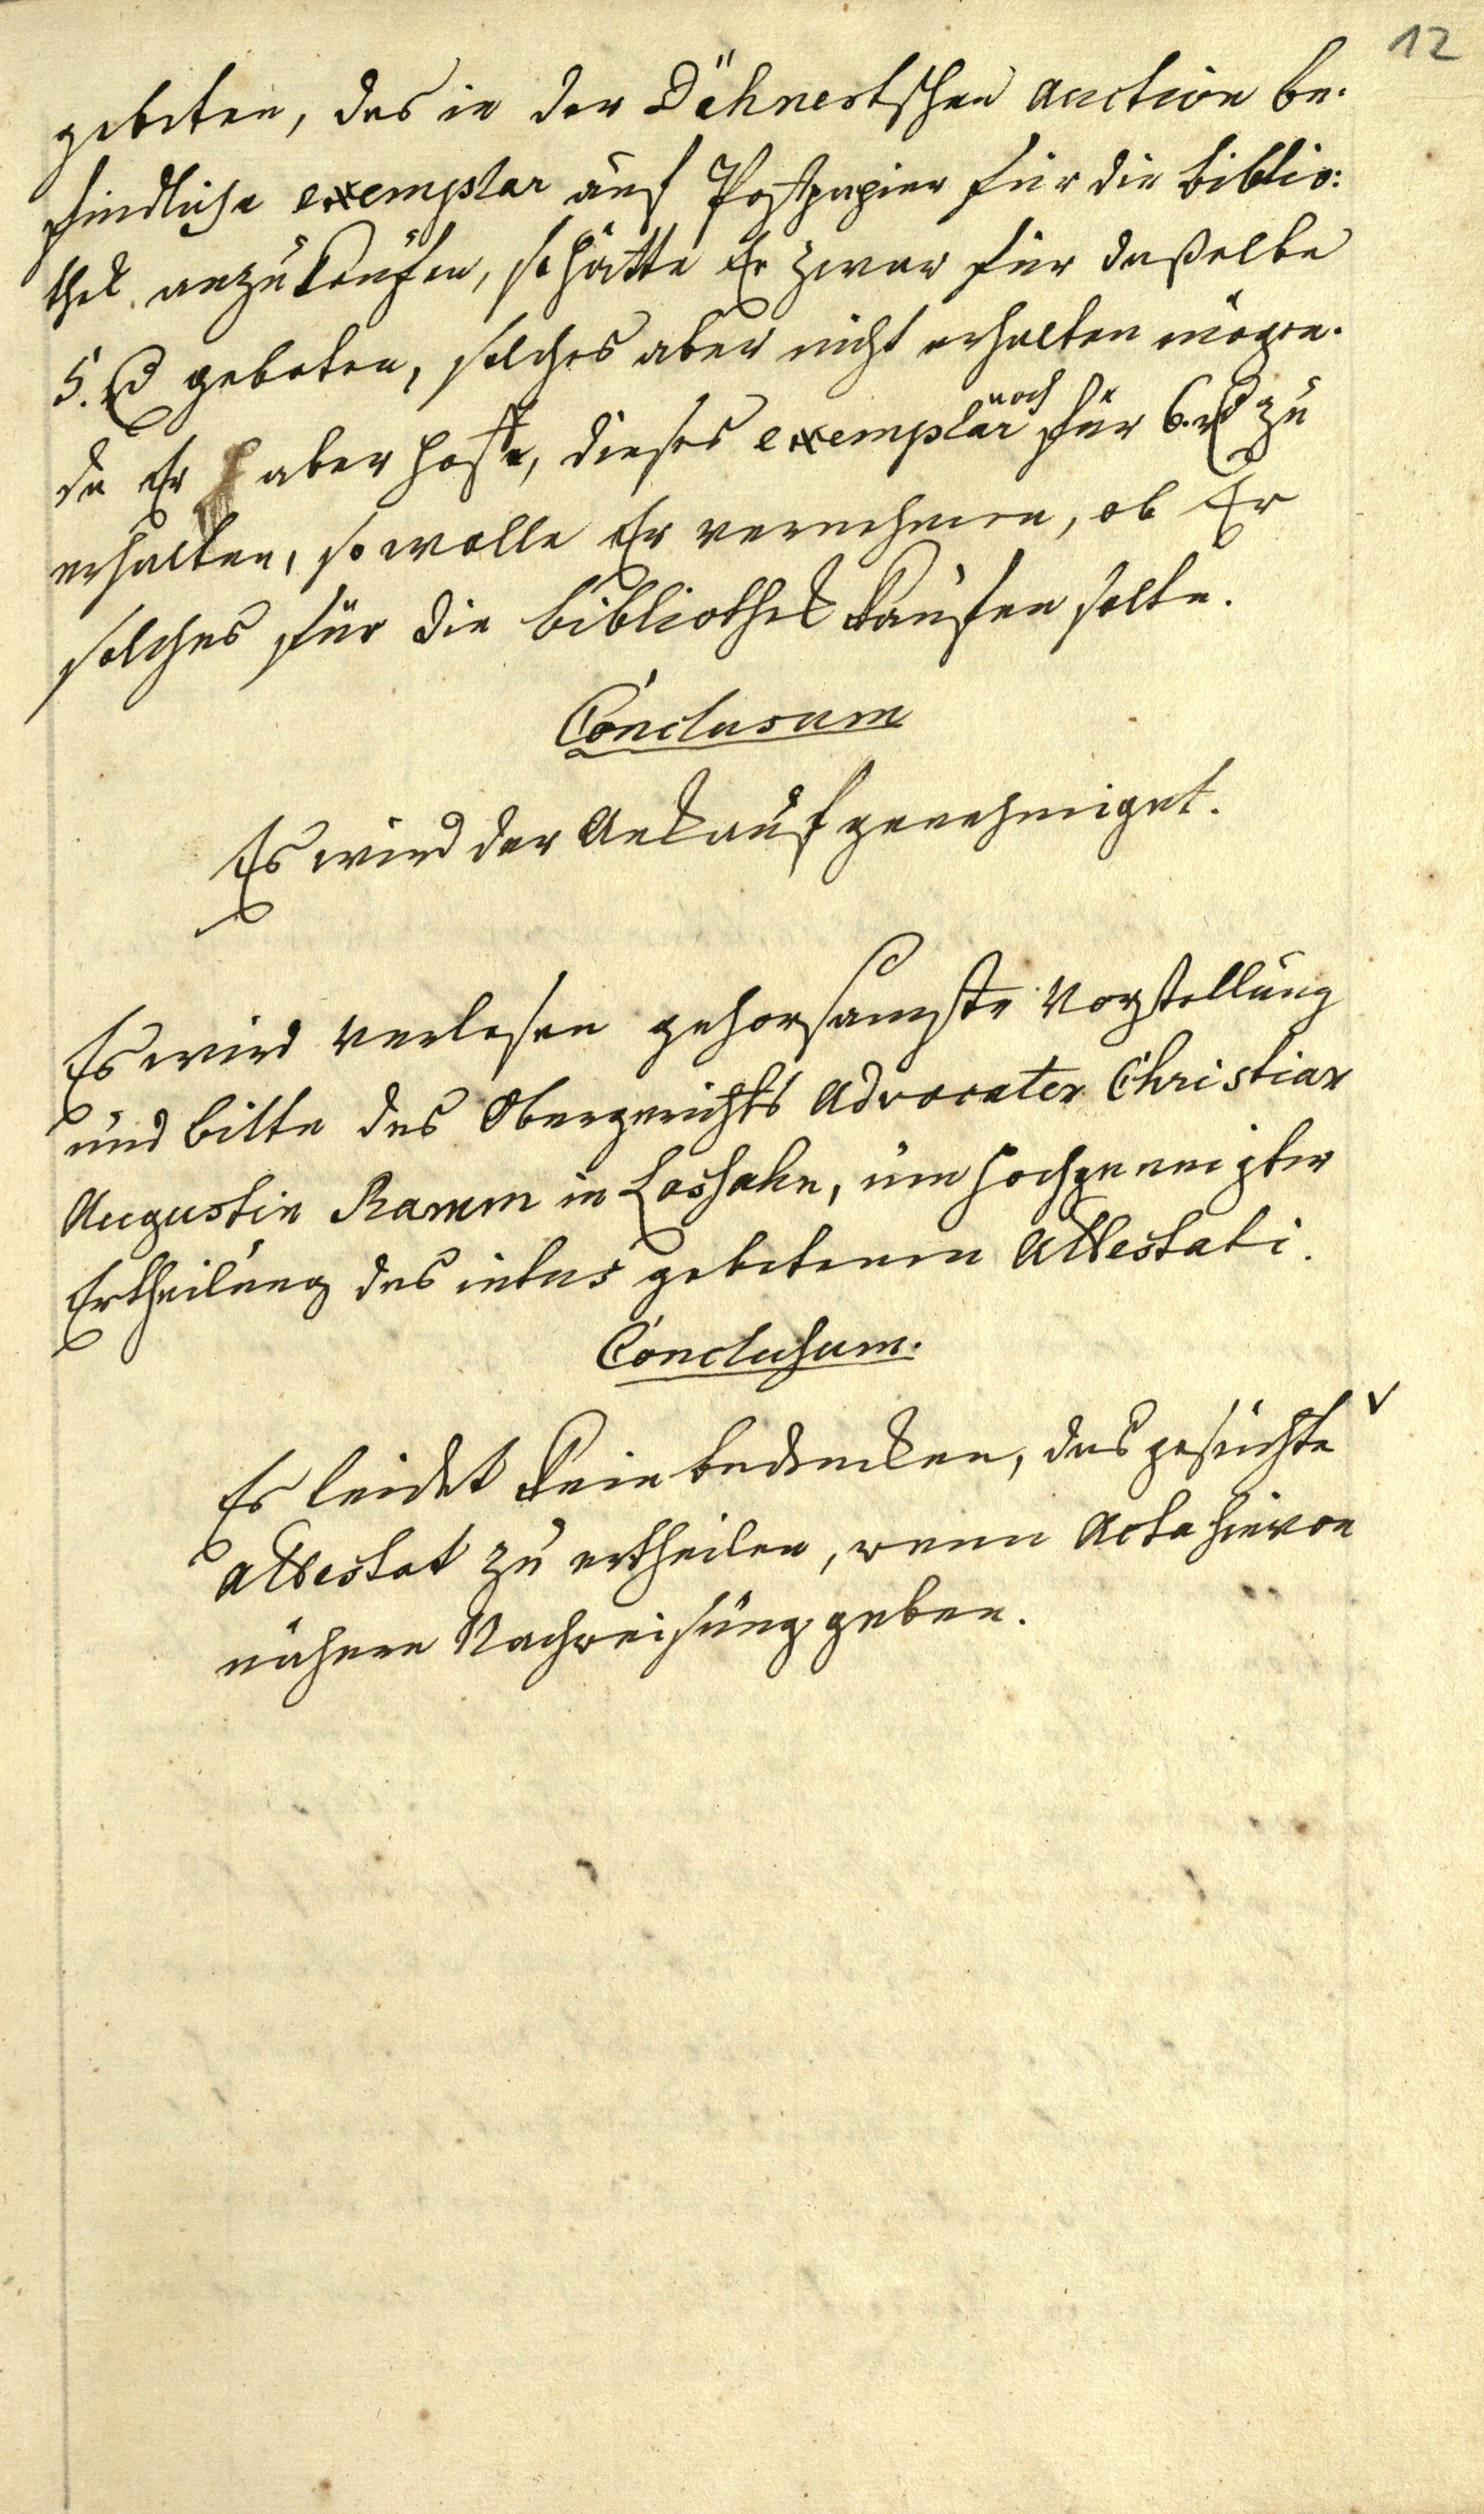gebeten, das in der Dähnertschen Auction be¬
findliche exemplar auf Postpapier für die Biblio¬
thek anzukaufen, so hätte Er zwar für daßelbe
5. rt geboten, solches aber nicht erhalten mögen.
da Er h aber hoffe, dieses exemplar noch für 6 rt zu
erhalten, so wolle Er vernehmen, ob Er
solches für die Bibliothek kaufen solte.
Conclusum
Es wird der Ankauf genehmiget.
Es wird verlesen gehorsamste Vorstellung
und Bitte des Obergerichts Advocaten Christian
Augustin Ramm in Lassahn, um hochgeneigter
Ertheilung des intus gebetenen Attestati.
Conclusum
Es leidet keine bedencken, das gesuchte
Attestat zu ertheilen, wenn Acta hievon
nähere Nachweisung geben.